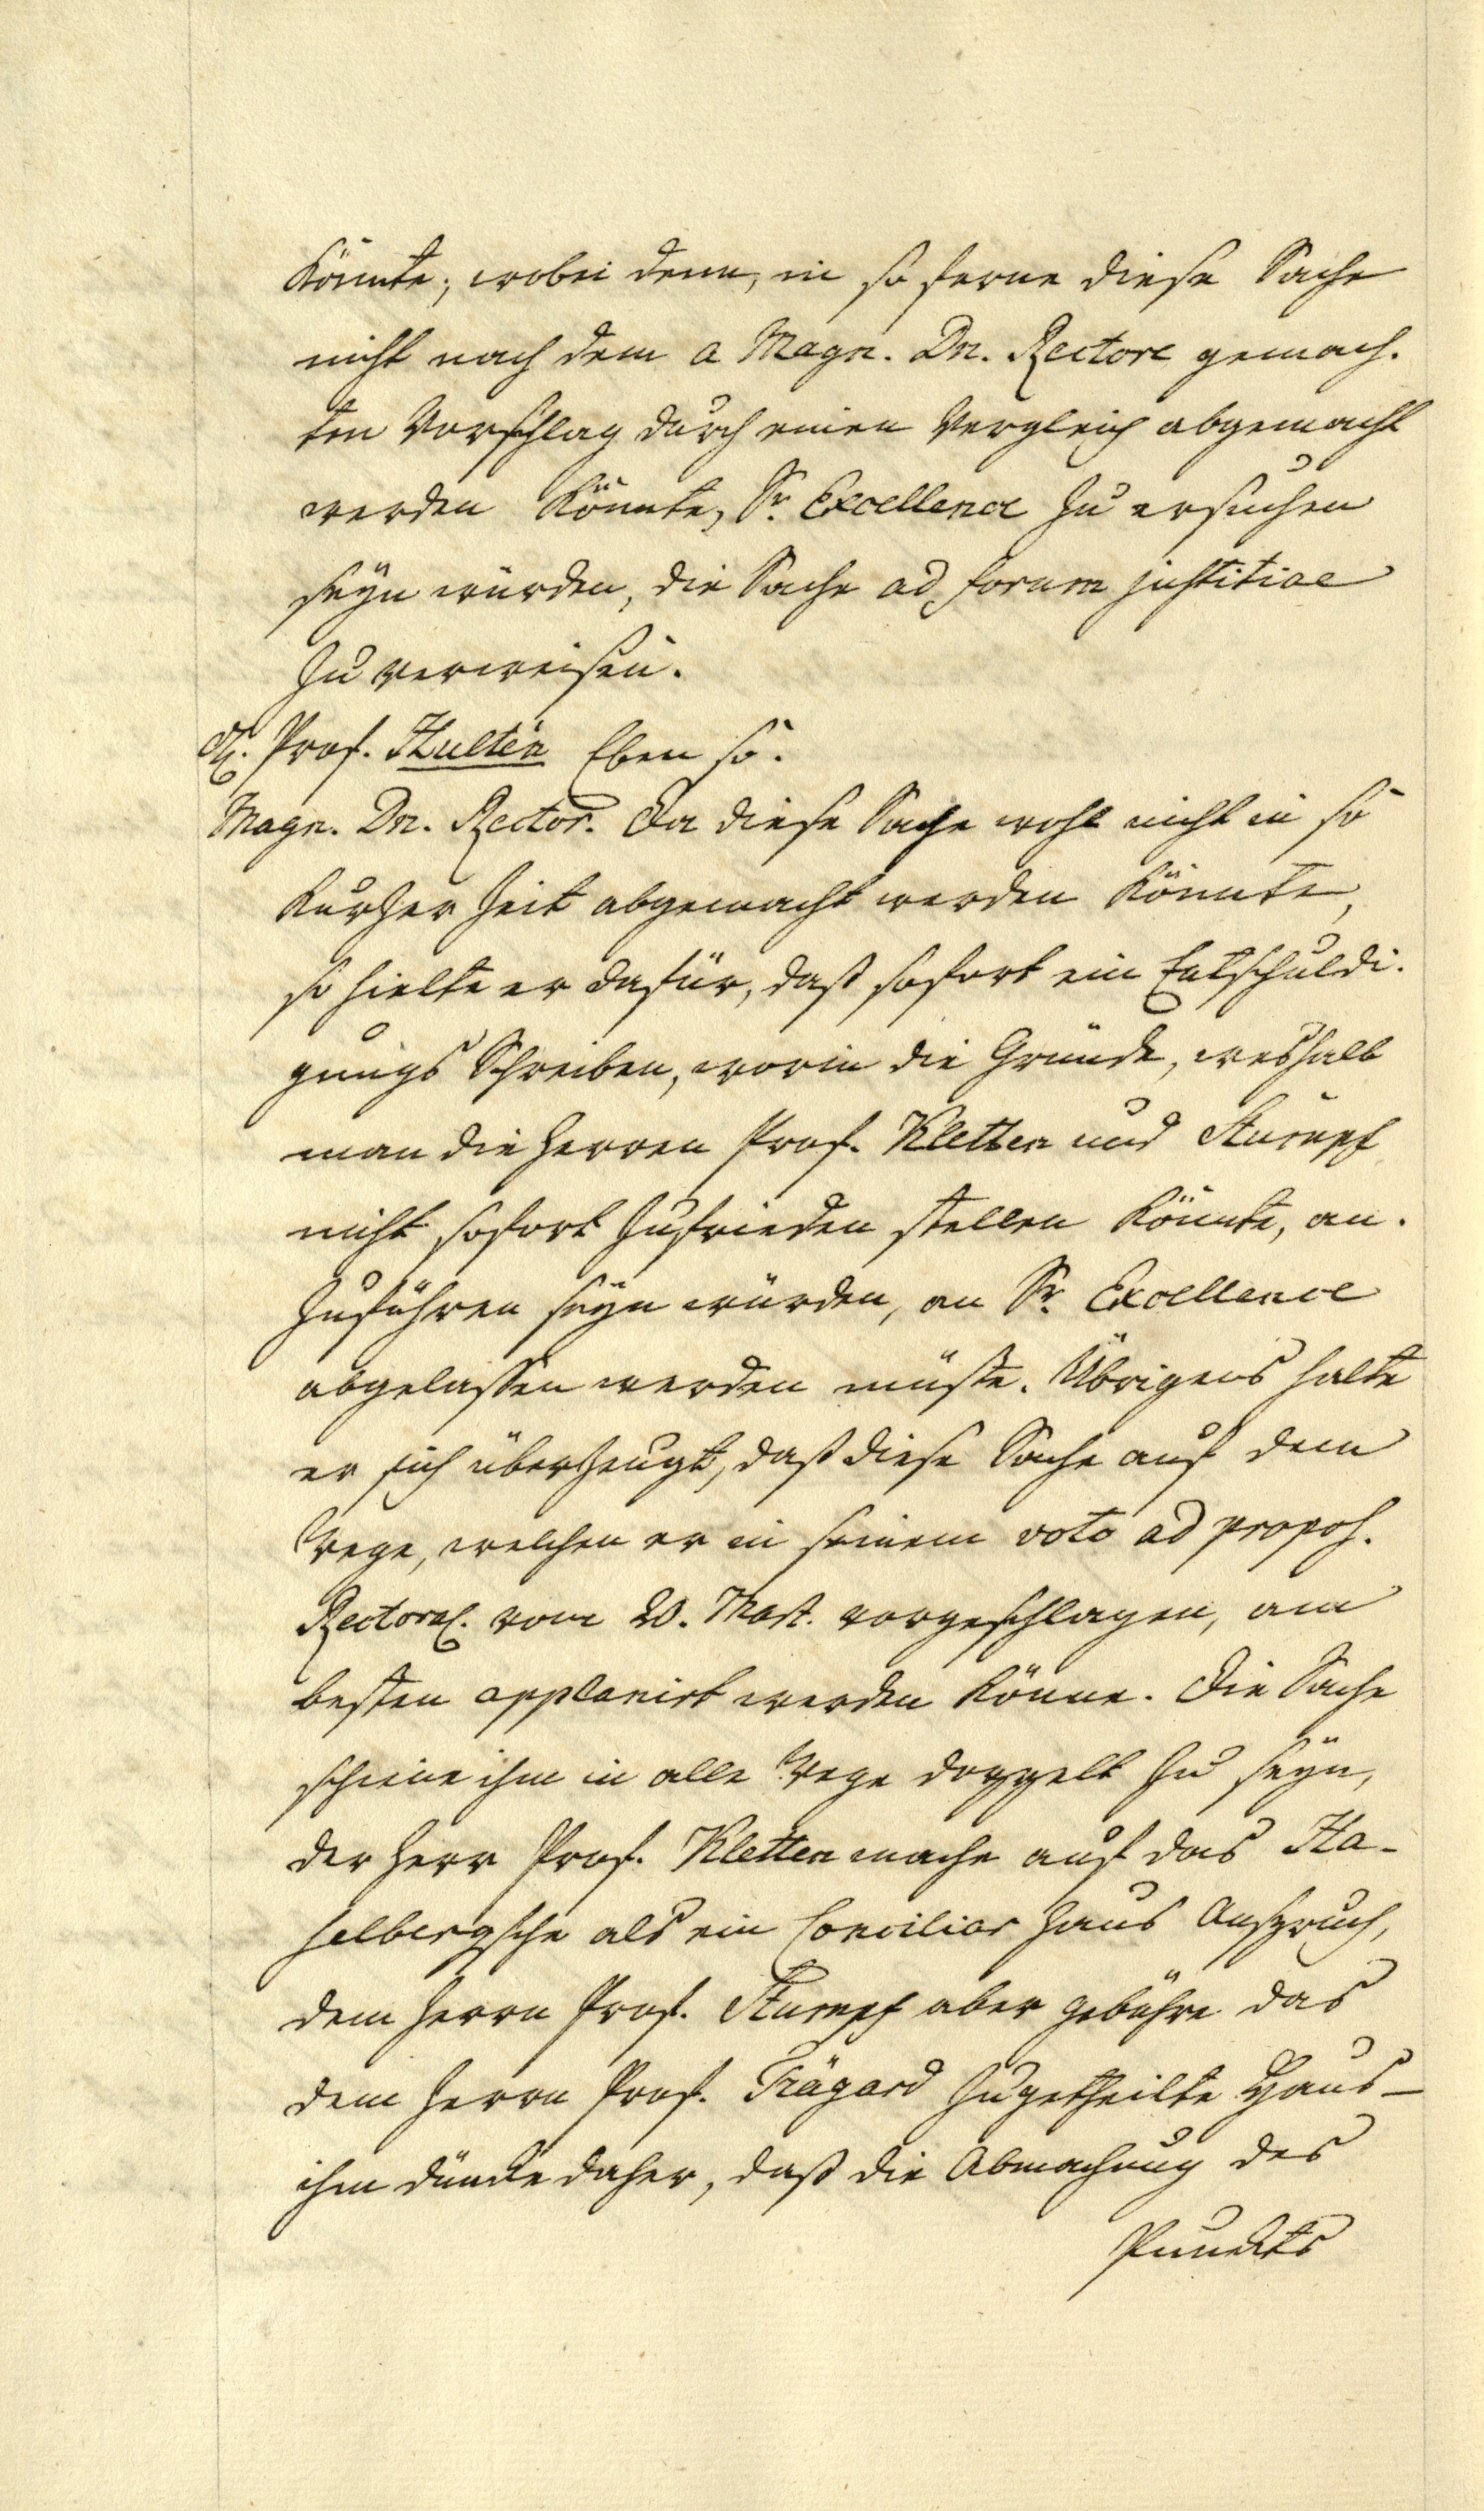könnte; wobei denn, in so ferne diese Sache
nicht nach dem a Magn. Dn. Rectore gemach¬
ten Vorschlag durch einen Vergleich abgemacht
werden könnte, Sr Excellence zu ersuchen
seÿn würden, die Sache ad Forum justitiae
zu verweisen.
d. Prof. Hultén Eben so.
Magn. Dn. Rector. Da diese Sache wohl nicht in so
kurzer Zeit abgemacht werden könnte,
so hielte er dafür, daß sofort ein Entschuldi¬
gungs Schreiben, worin die Gründe, weshalb
man die Herren Prof. Kletten und Stumpf
nicht sofort zufrieden stellen könnte, an¬
zuführen seÿn würden, an Sr Excellence
abgelassen werden müßte. Übrigens halte
er sich überzeugt, daß diese Sache auf dem
Wege, welchen er in seinem voto ad propos.
Rectoral. vom 20. Mart. vorgeschlagen, am
besten applanirt werden könne. Die Sache
schiene ihm in alle Wege doppelt zu seÿn,
der Herr Prof. Kletten mache auf das Ha¬
selbergsche als ein Conciliar Haus Anspruch,
dem Herrn Prof. Stumpf aber gebühre das
dem Herrn Prof. Trägård zugetheilte Haus -
ihm düncke daher, daß die Abmachung des
Punckts